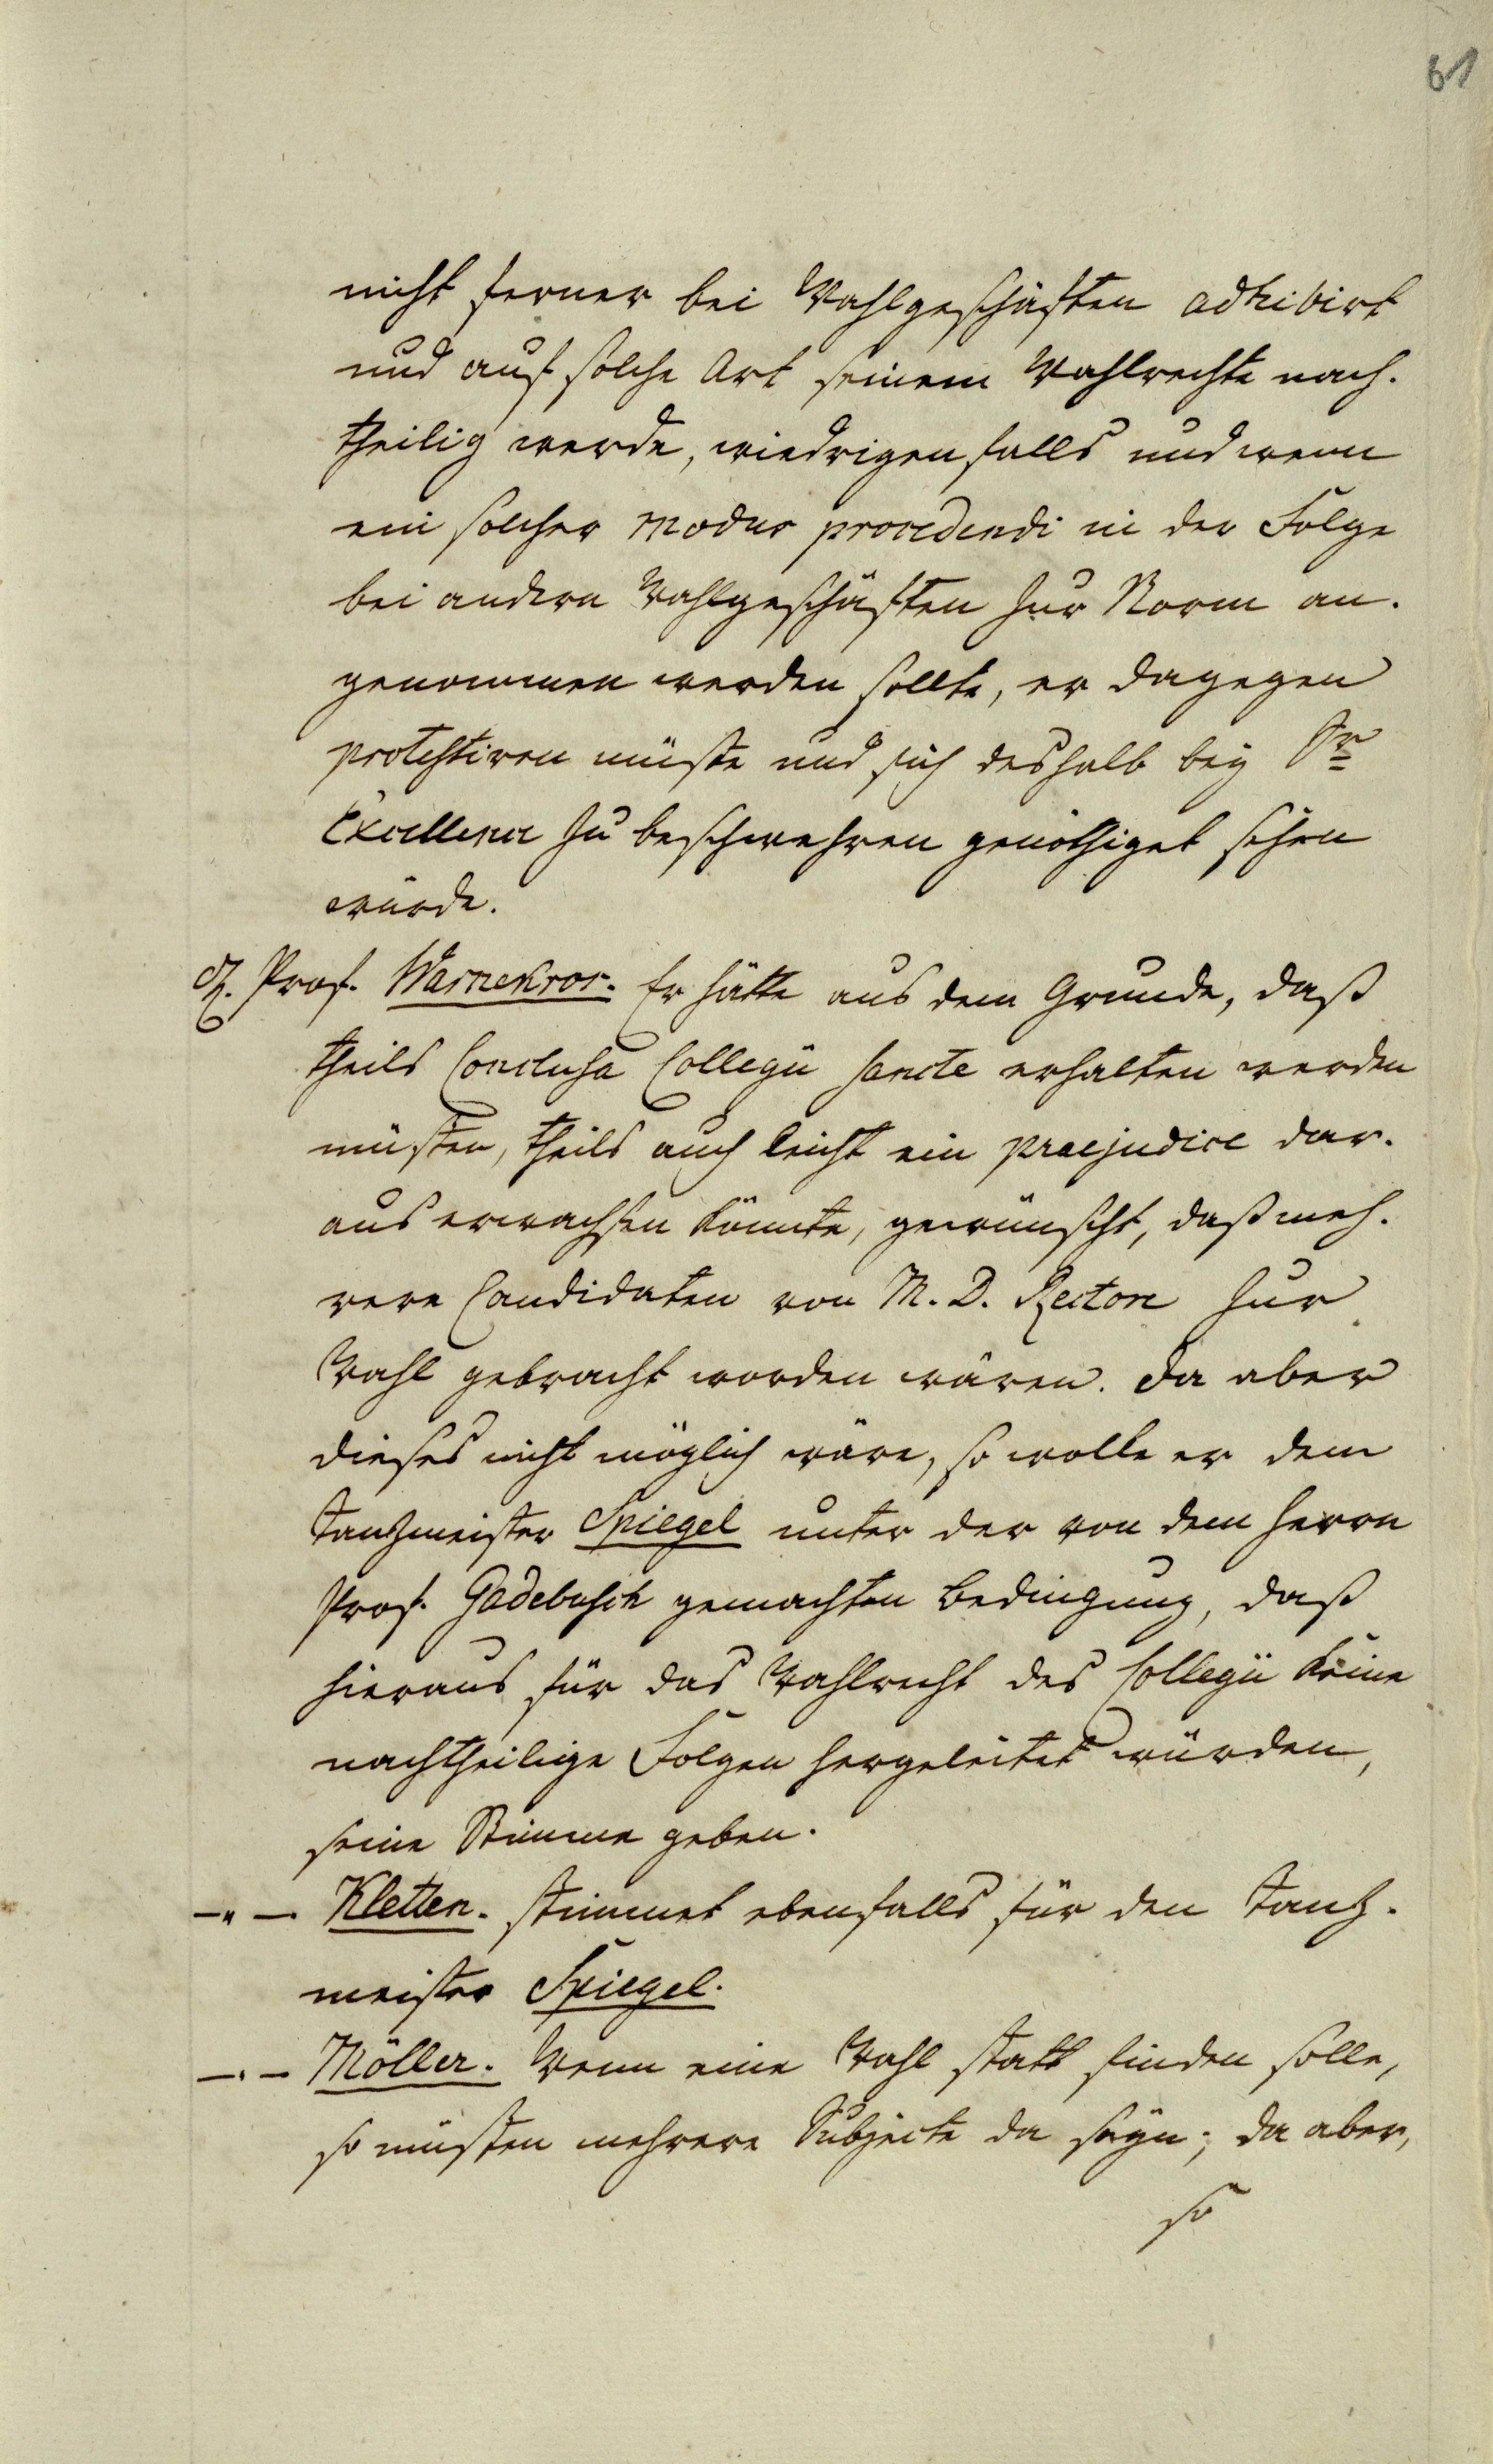nicht ferner bei Wahlgeschäften adhibirt
und auf solche Art seinem Wahlrechte nach
theilig werde, wiedrigenfalls und wenn
ein solcher modus procedendi in der Folge
bei andern Wahlgeschäften zur Norm an¬
genommen werden sollte, er dagegen
protestiren müßte und sich deshalb beÿ Sr
Excellence zu beschwehren genöthiget sehen
würde.
dh. Prof. Warnekros. Er hätte aus dem Grunde, daß
theils Conclusa Collegii sancte erhalten werden
müßten, theils auch leicht ein praejudice dar¬
aus erwachsen könnte, gewünscht, daß meh¬
rere Candidaten von M. D. Rectore zur
Wahl gebracht worden wären. Da aber
dieses nicht möglich wäre, so wolle er dem
Tanzmeister Spiegel unter der von dem Herrn
Prof. Gadebusch gemachten Bedingung, daß
hieraus für das Wahlrecht des Collegii keine
nachtheilige Folgen hergeleitet würden,
seine Stimme geben.
Kletten. stimmet ebenfalls für den Tanz¬
meister Spiegel.
Möller. Wenn eine Wall statt finden solle,
so müßten mehrere Subjecte da seÿn; da aber,
so